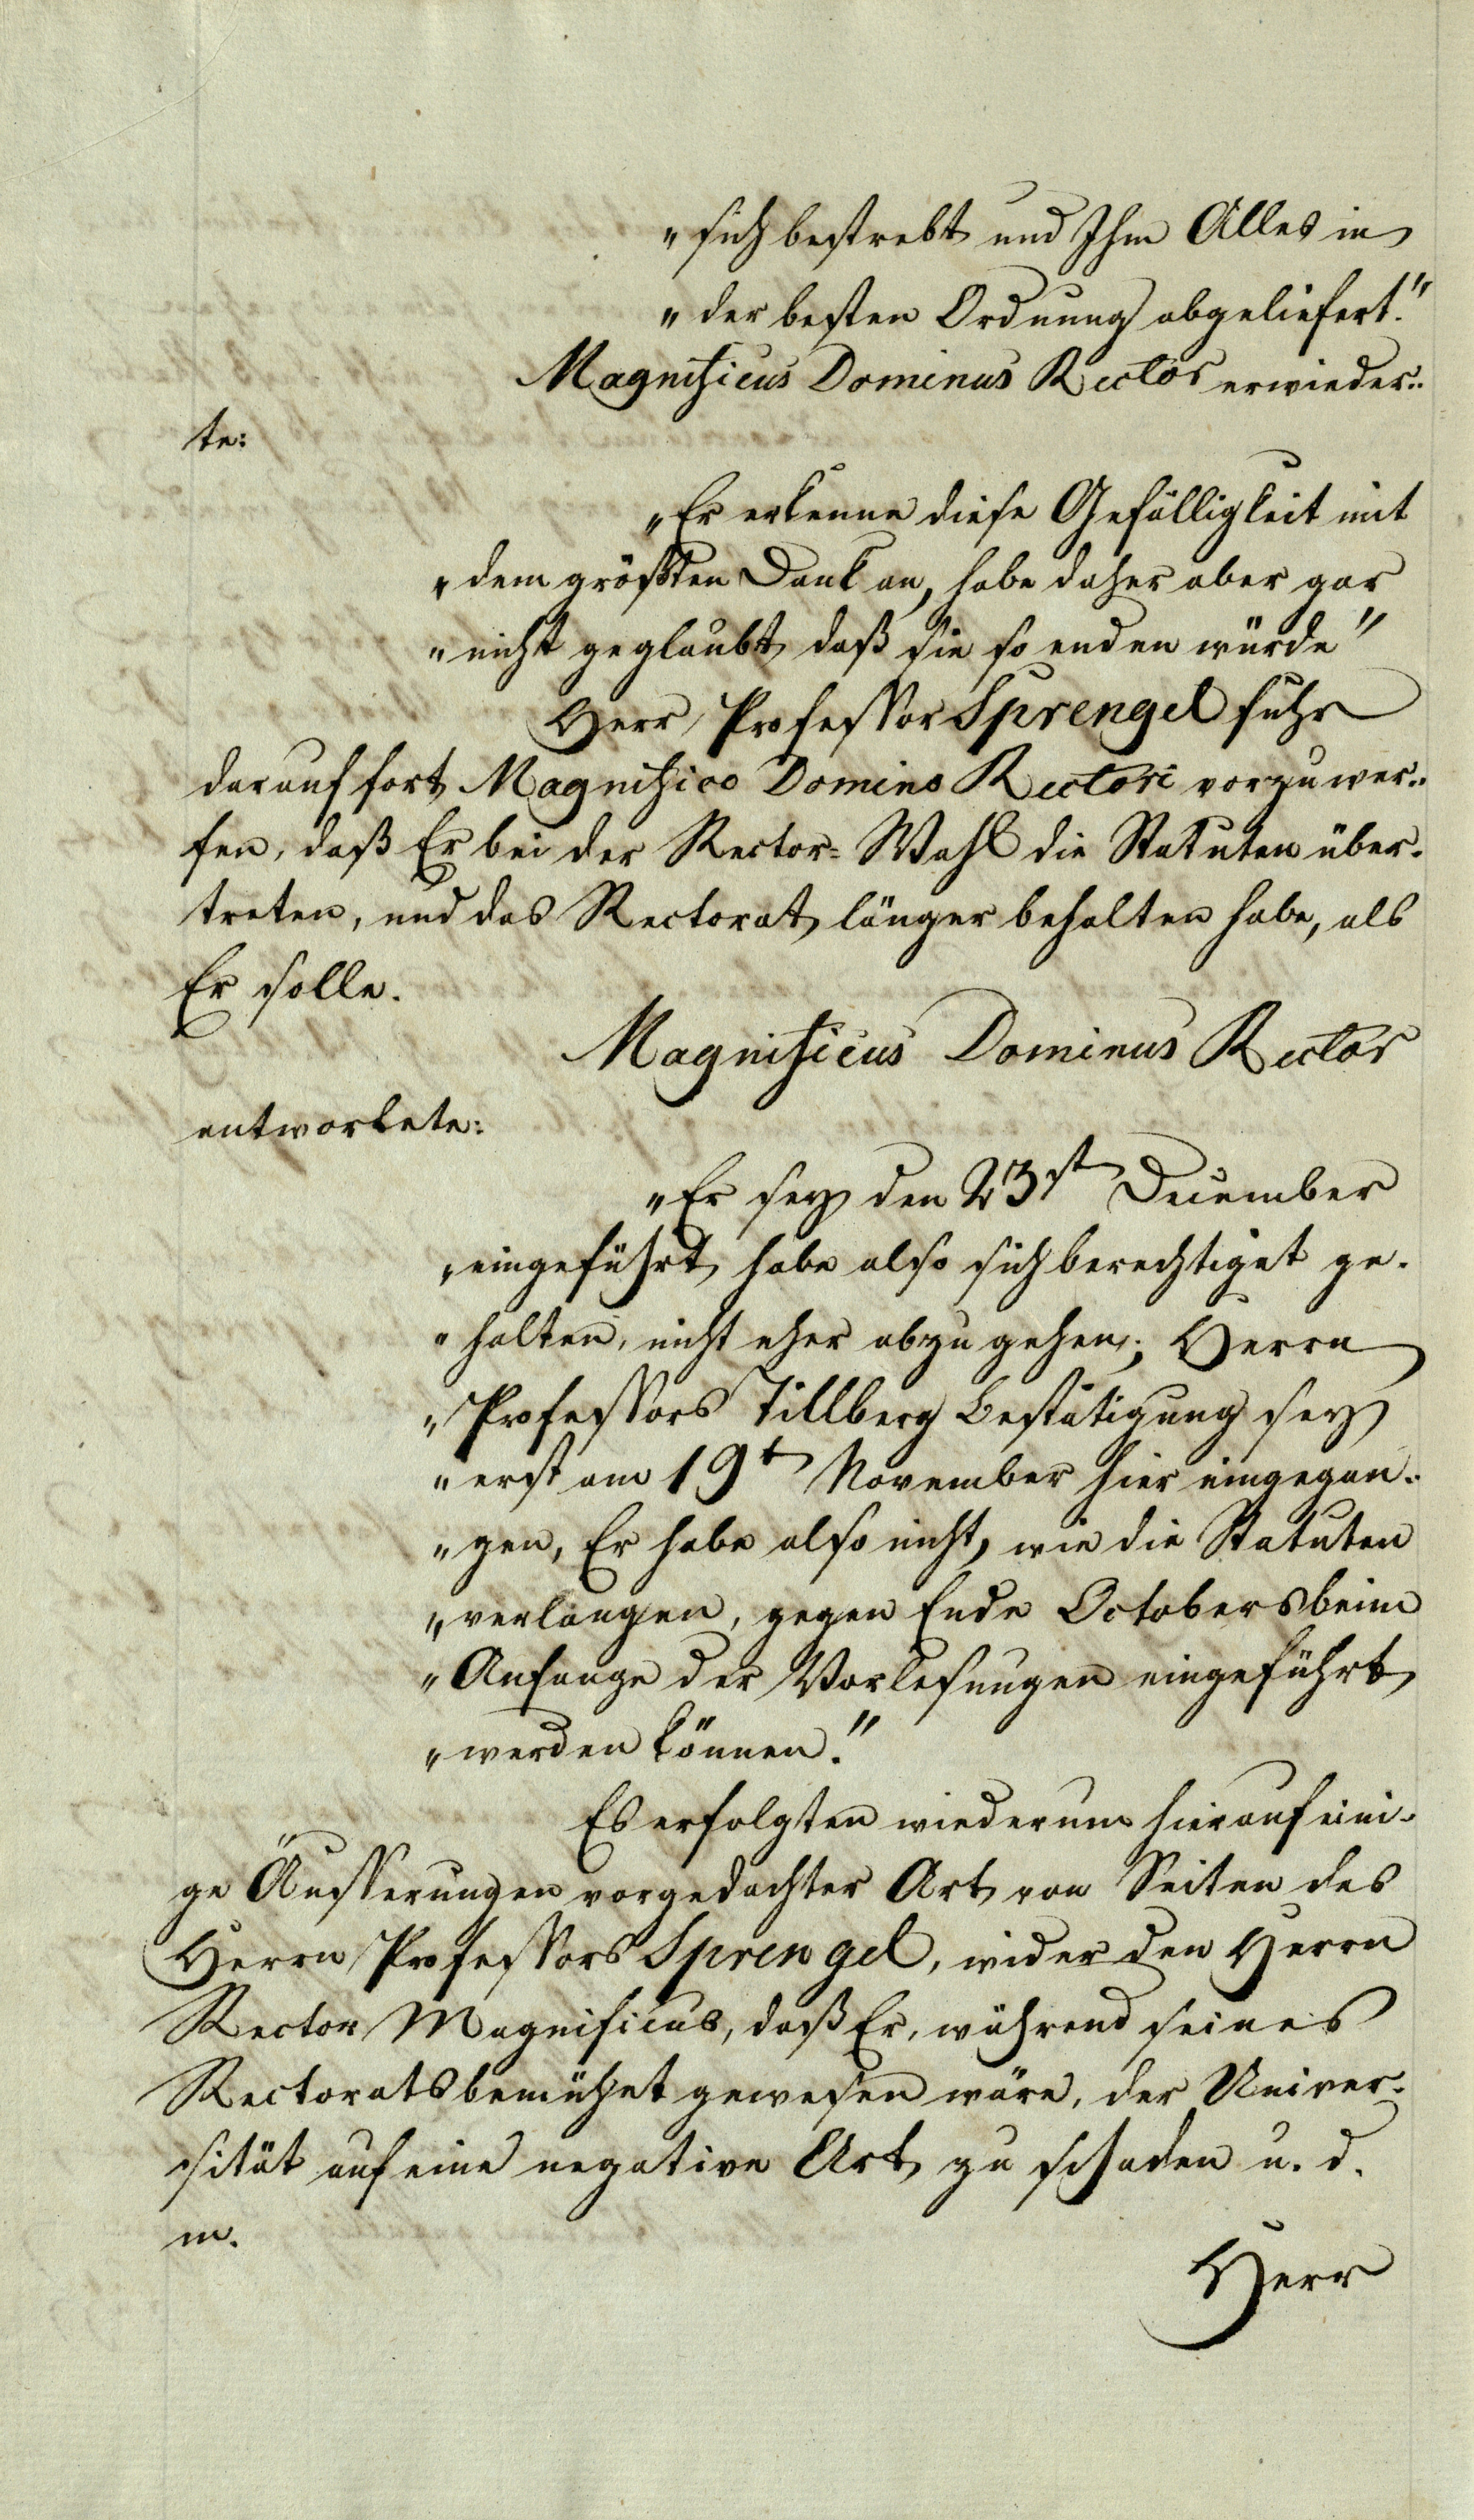"sich bestrebt und Ihm Alles in
"der besten Ordnung abgeliefert."
Magnificus Dominus Rector erwieder
te:
"Er erkennen diese Gefälligkeit mit
"dem größten Dank an, habe daher aber gar
nicht geglaubt, daß sie so enden würde"
Herr Professor Sprengel fuhr
darauf fort Magnifico Domino Rectori vorzuwer¬
fen, daß Er bei der Rector-Wahl die Statuten über¬
treten, und das Rectorat länger behalten habe, als
Er solle.
Magnificus Dominus Rector
antwortete:
"Er sey den 23 ten December
"eingeführt, habe also sich berechtiget ge¬
"halten, nicht eher abzugehen; Herrn
"Professors Tillberg Bestätigung sey
"erst am 19 ten November hier eingegan¬
"gen, Er habe also nicht, wie die Statuten
"verlangen, gegen Ende Octobers beim
"Anfange der Vorlesungen eingeführt
"werden können."
Es erfolgten wiederum hierauf eini¬
ge Äusserungen vorgedachter Art von Seiten des
Herrn Professors Sprengel, wieder den Herrn
Rector Magnificus, daß Er, während seines
Rectorats bemühet gewesen wäre, der Univer¬
sität auf eine negative Art zu schaden u. d.
m.
Herr